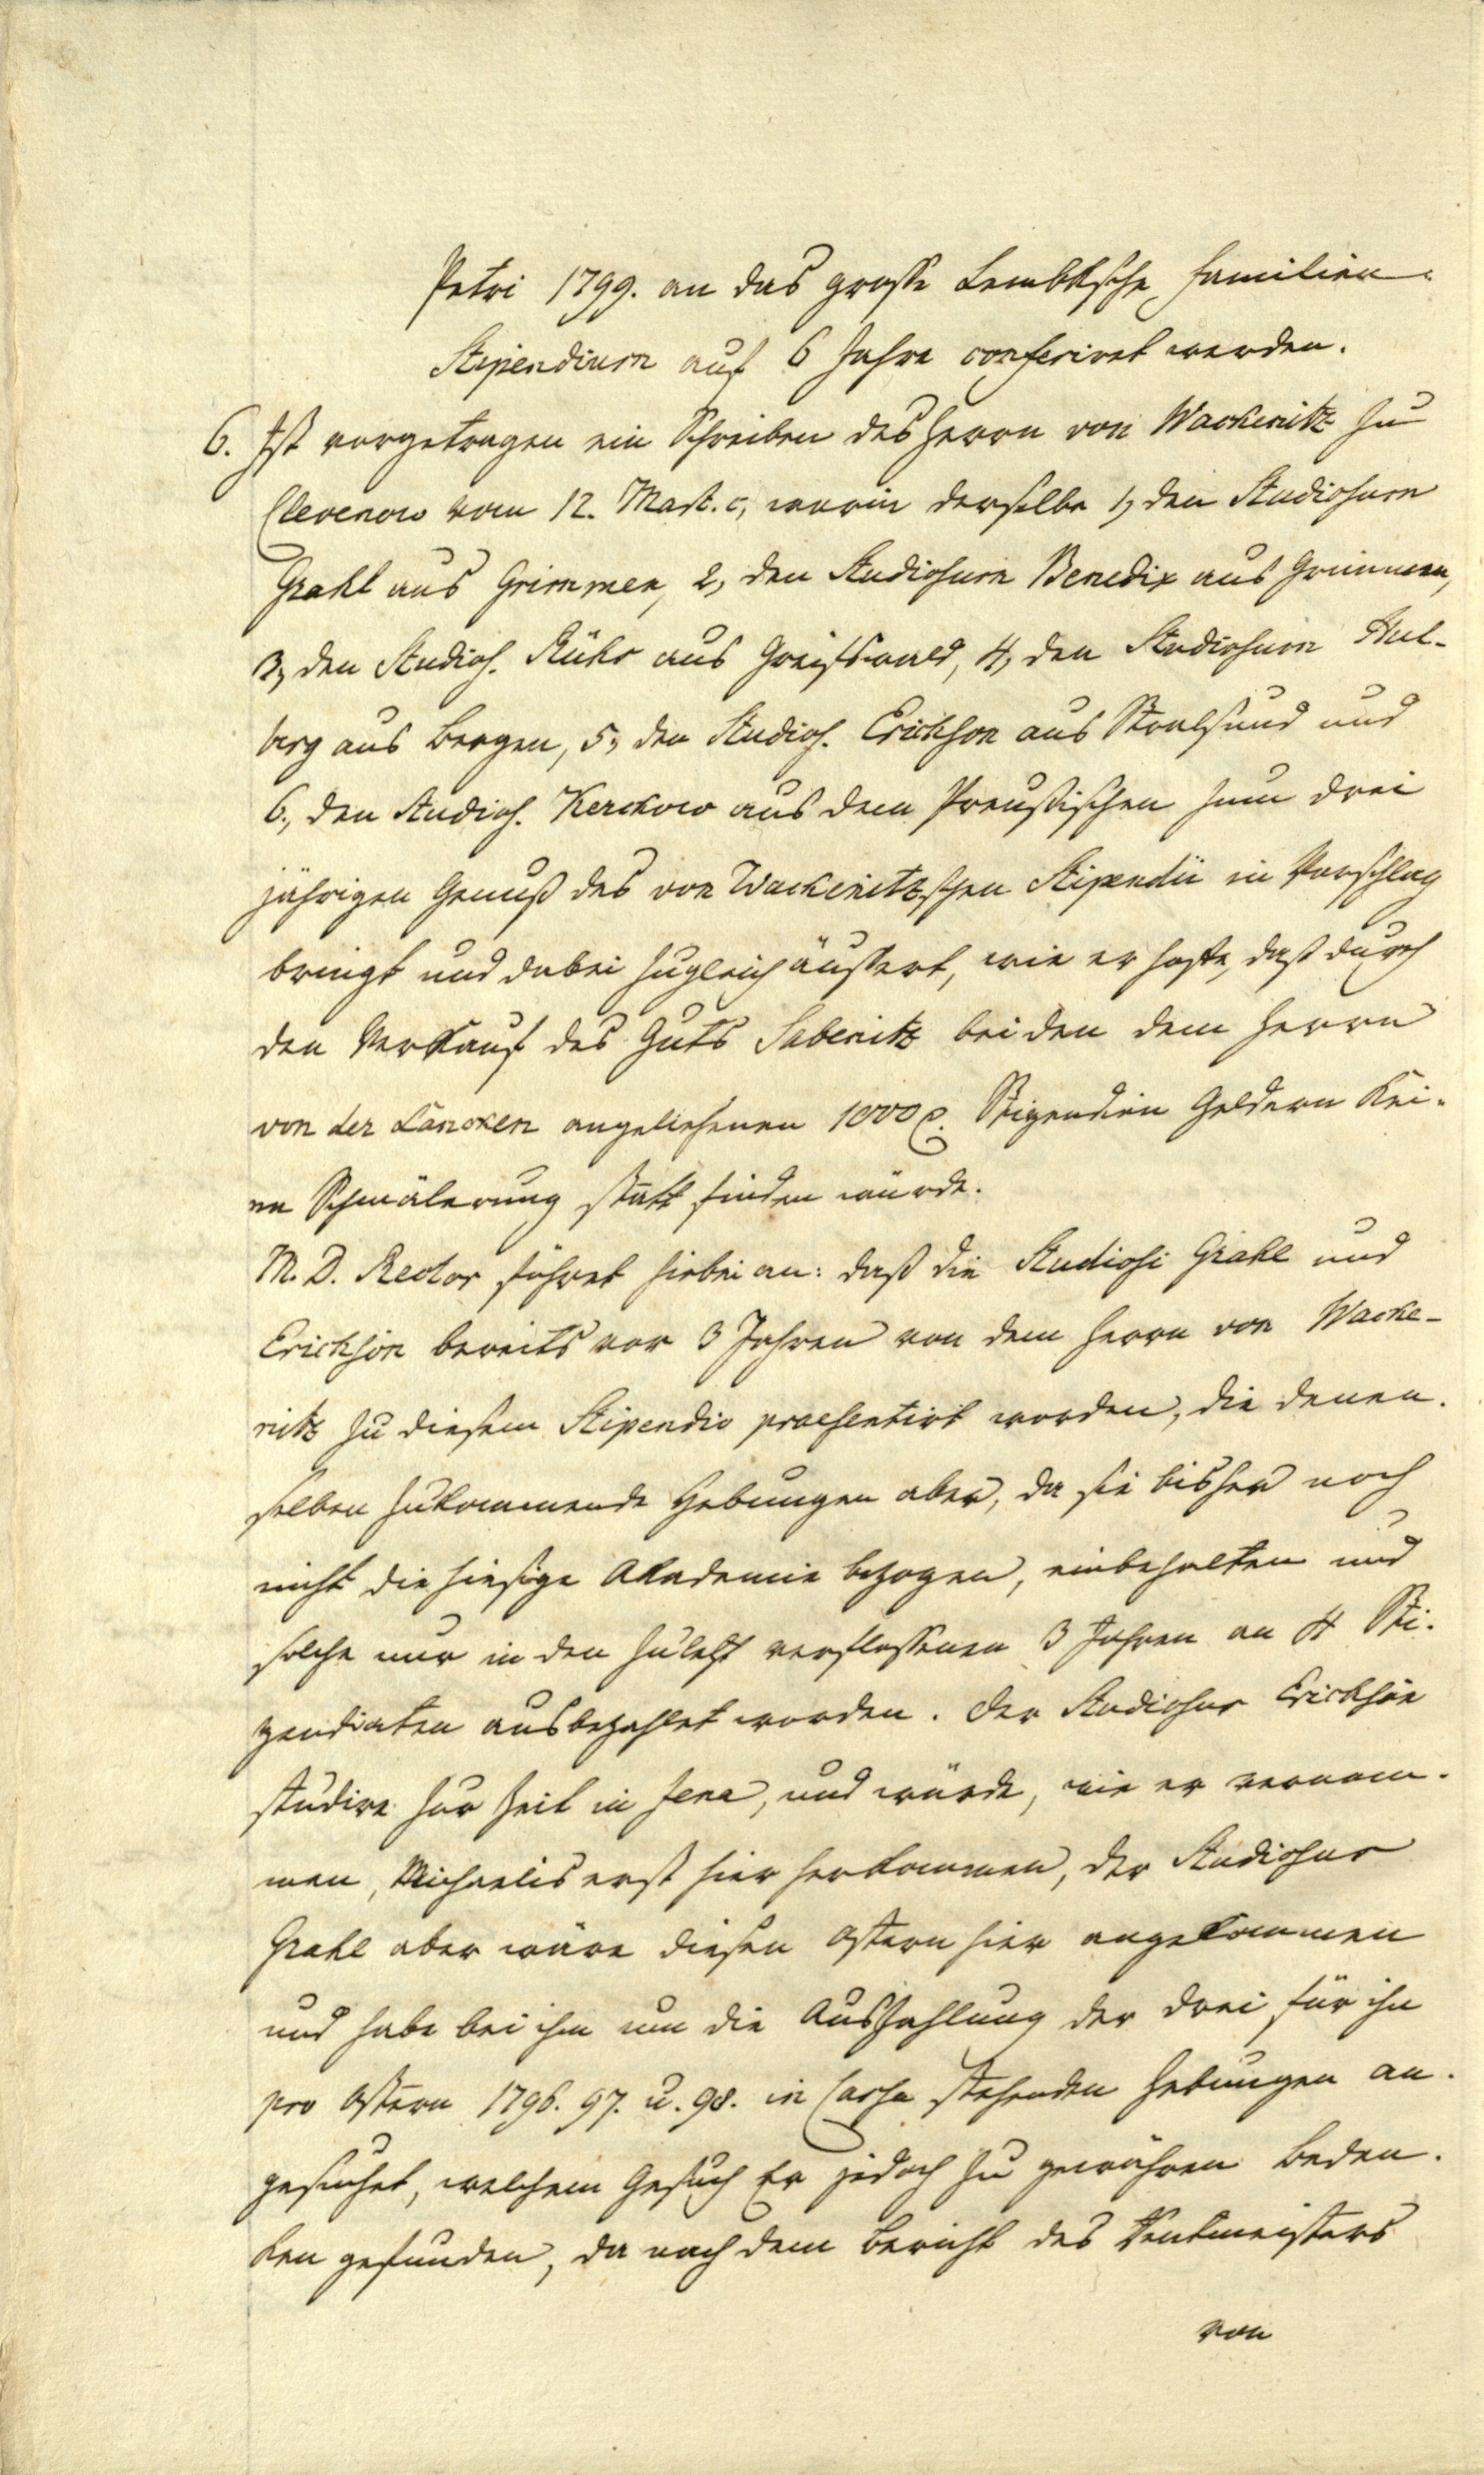Petri 1799. an das grosse Lembksche Familien
Stipendium auf 6 Jahre conferiret werden.
6. Ist vorgetragen ein Schreiben des Herrn von Wackenitz zu
Clevenow vom 12. Mart. c, worin derselbe 1, den Studiosum
Grahl aus Grimmen, 2, den Studiosum Benedirx aus Grimmen,
3., den Studios. Rühs aus Greifswald, 4, den Studiosum Hul¬
berg aus Bergen, 5. den Studios. Erichson aus Stralsund und
6., den Studios. Kerckow aus dem Preußischen zum drei
jährigen Genuß des von Wackenitzschen Stipendii in Vorschlag
bringt und dabei zugleich äussert, wie er hofe, daß durch
den Verkauf des Guts Sabenitz bei den dem Herrn
von der Lancken angeliehenen 1000 l. Stipendien Geldern kei¬
ne Schmälerung statt finden würde.
M. D. Rector führet hiebei an: daß die Studiosi Grahl und
Erichson bereits vor 3 Jahren von dem Herrn von Wacke¬
nitz zu diesem Stipendio praesentirt worden, die denen¬
selben zukommende Hebungen aber, da sie bisher noch
nicht die hiesige Akademie bezogen, einbehalten und
solche nur in den zuletzt verflossenen 3 Jahren an 4 Sti¬
pendiaten ausbezahlet worden. Der Studiosus Erichson
studire zur Zeit in Jena, und würde, wie er vernom¬
men, Michaelis erst hier herkommen, der Studiosus
Grahl aber wäre diesen Ostern hier angekommen
und habe bei ihm um die Auszahlung der der für ihn
pro Ostern 1796. 97. u. 98. in Cassa stehenden Hebungen an¬
gesuchet, welchem Gesuch Er jedoch zu gewähren Beden¬
ken gefunden, da nach dem Bericht des Rentmeisters
vom